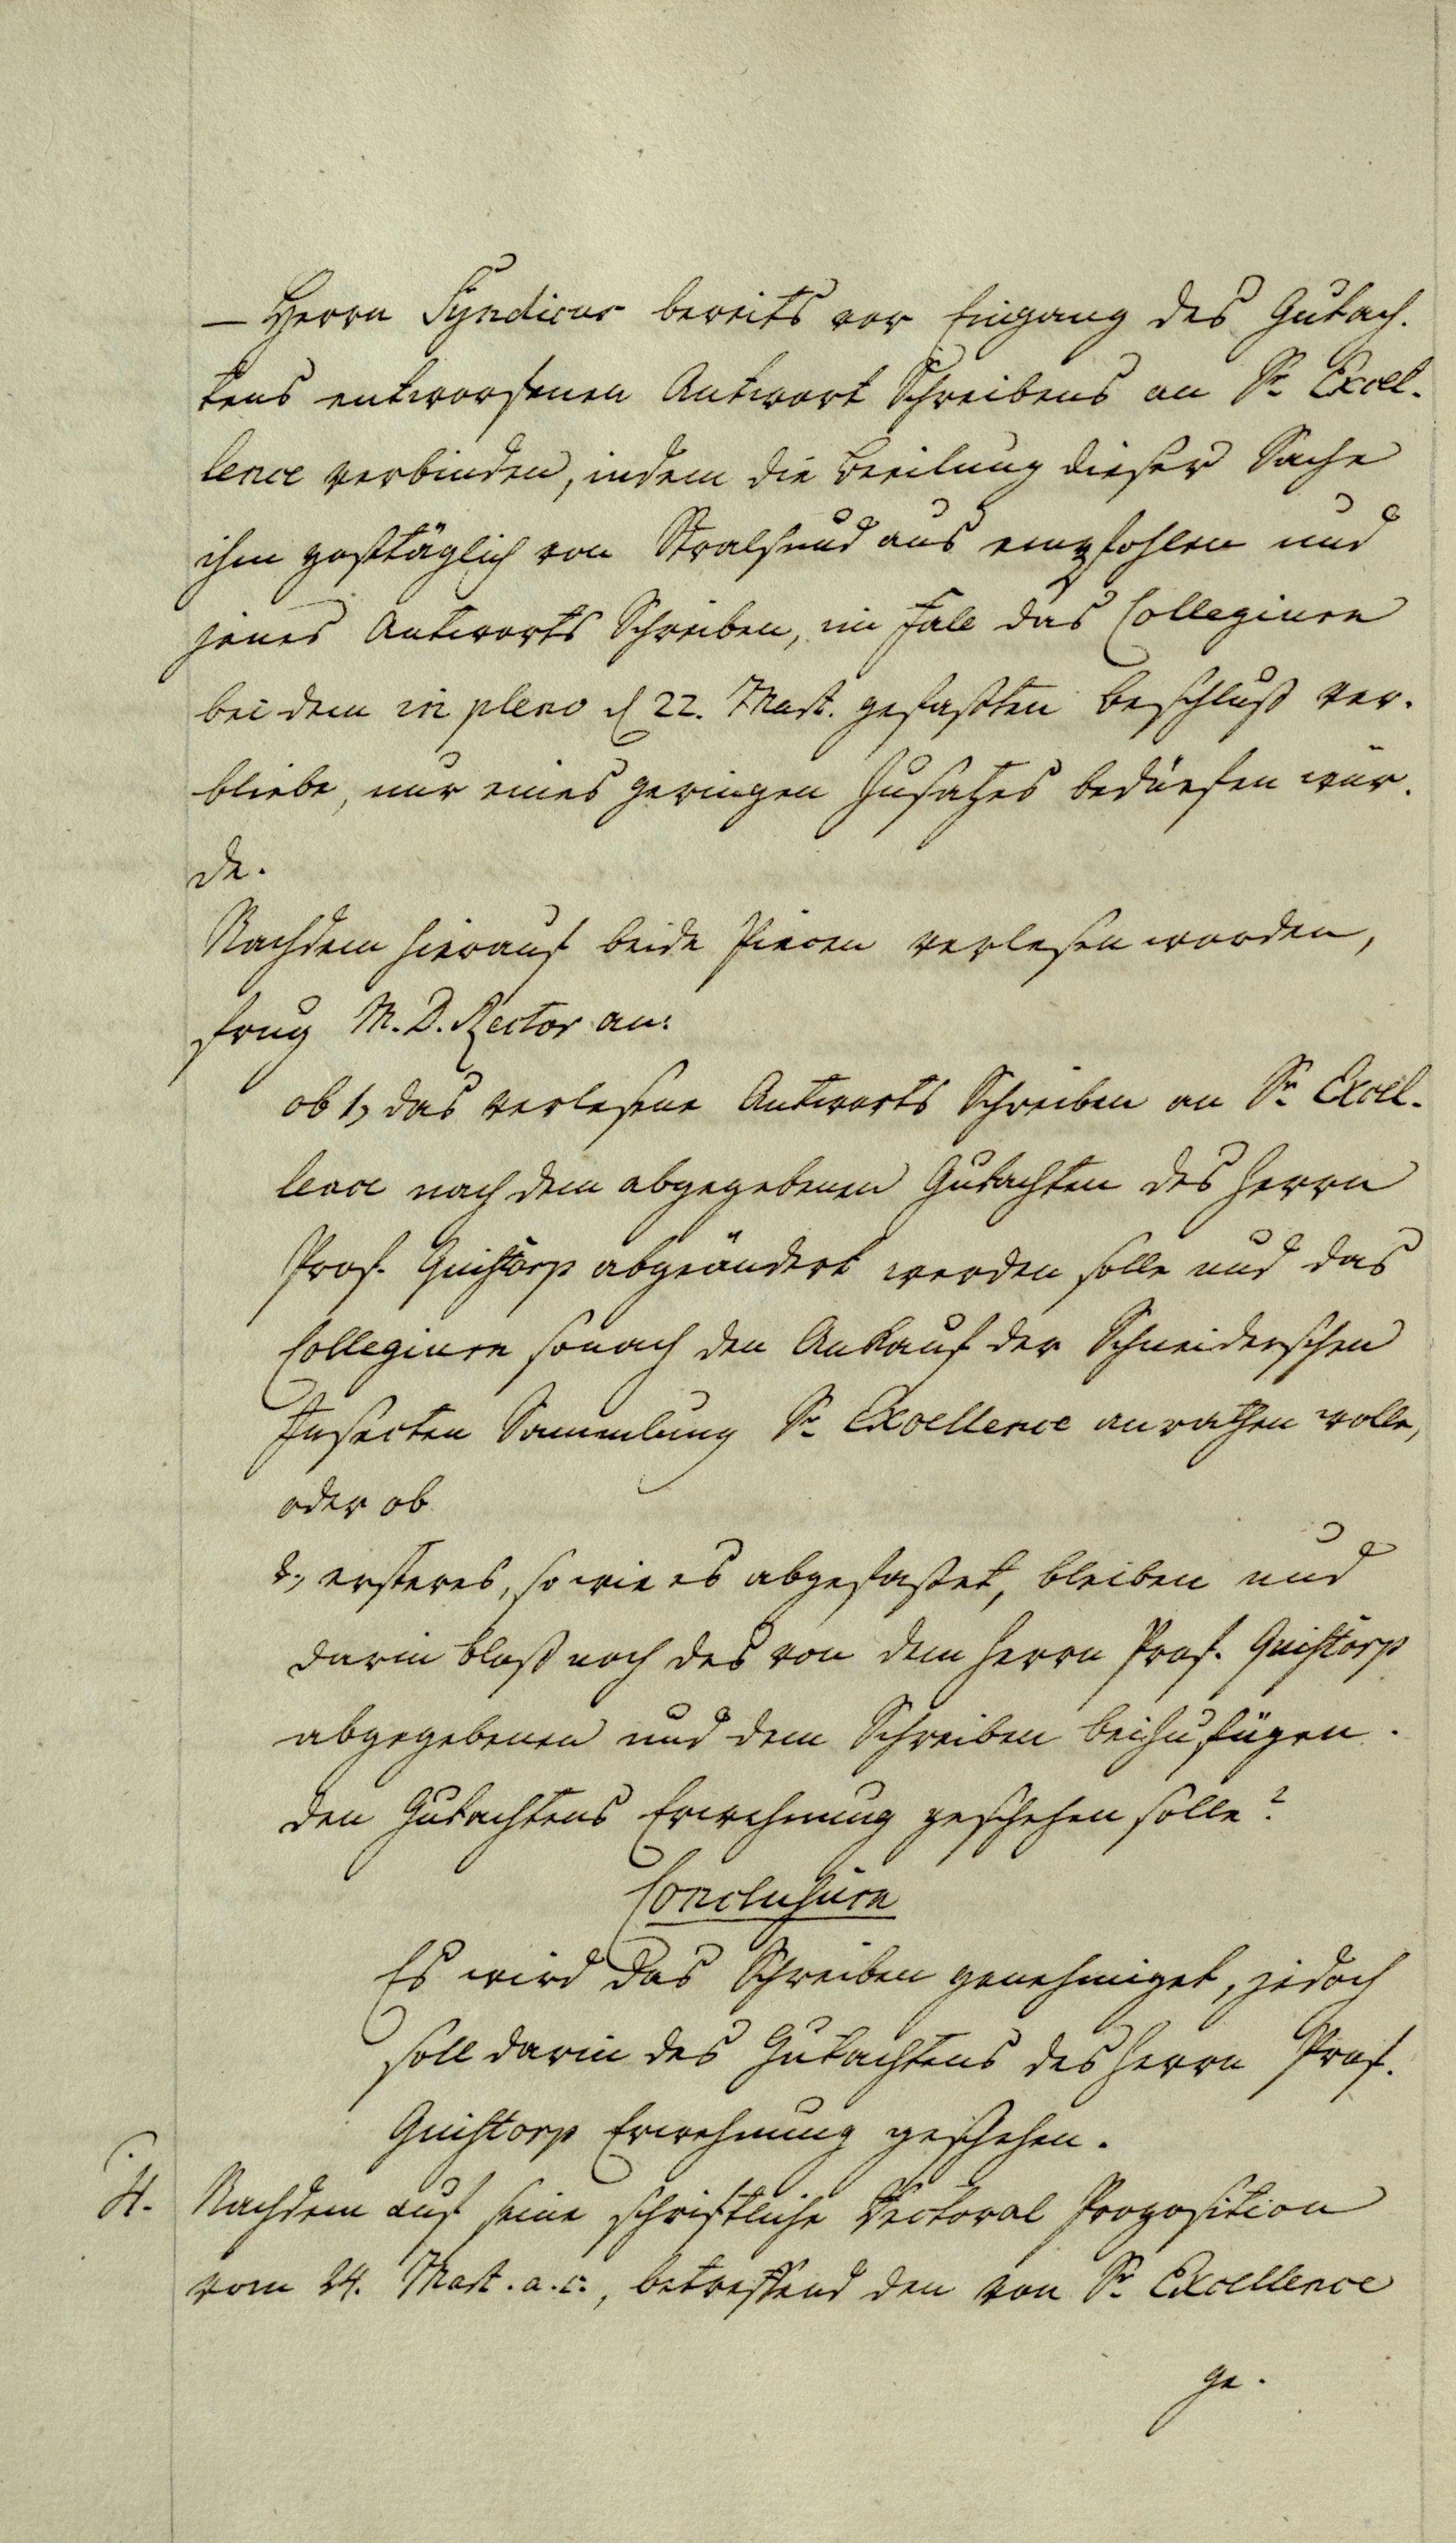Herrn Sÿndicus bereits vor Eingang des Gutach¬
tens entworfenen Antwort Schreibens an Sr Excel¬
lence verbinden, indem die Beeilung dieser Sache
ihm posttäglich von Stralsund aus empfohlen und
jenes Antworts Schreiben, im Fall das Collegium
bei dem in pleno d. 22. Mart. gefaßten Beschluß ver¬
bliebe, nur eines geringen Zusatzes bedürfen wür¬
de.
Nachdem hierauf beide Piecen verlesen worden,
frug M. D. Rector an:
ob 1., das verlesene Antworts Schreiben an Sr Excel¬
lence nach dem abgegebenen Gutachten des Herrn
Prof. Quistorp abgeändert werden solle und das
Collegium sonach den Ankauf der Schneiderschen
Insecten Sammlung Sr Excellence anrathen wolle,
oder ob
2, ersteres, so wie es abgefaßet, bleiben und
darin bloß noch des von dem Herrn Prof. Quistorp
abgegebenen und dem Schreiben beizufügen¬
den Gutachtens Erwehnung geschehen solle?
Conclusum
Es wird das Schreiben genehmiget, jedoch
soll darin des Gutachtens des Herrn Prof.
Quistorp Erwehnung geschehen.
4. Nachdem auf seine schriftliche Rectoral Proposition
vom 24. Mart. a. c., betreffend den von Sr Excellence
ge¬